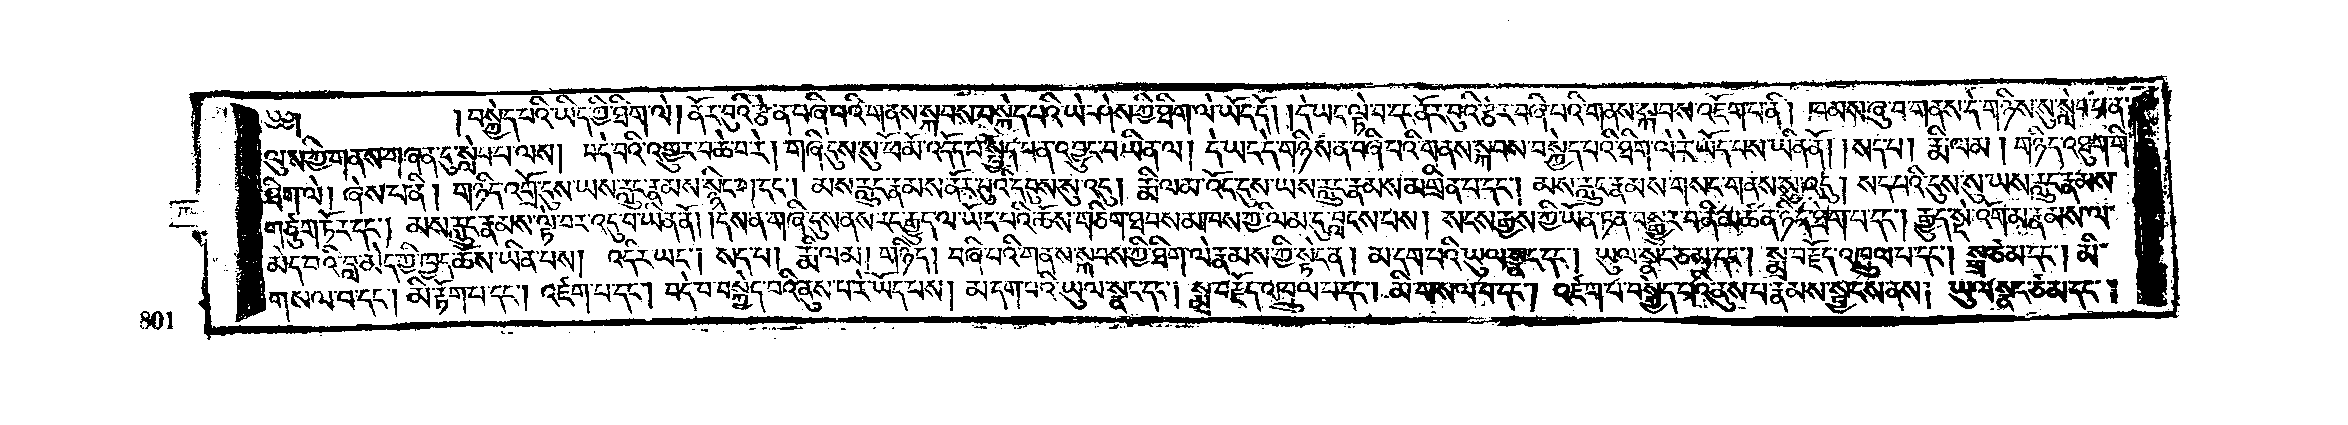༄༅། །བསྐྱེད་པའི་ཡིད་ཀྱི་ཐིག་ལེ། ནོར་བུའི་རྩེ་ན་བཞི་པའི་གནས་སྐབས་བསྐྱེད་པའི་ཡེ་ཤེས་ཀྱི་ཐིག་ལེ་ཡོད་དོ། །དེ་ཡང་ལྟེ་བ་དང་ནོར་བུའི་རྩེར་བཞི་པའི་གནས་སྐབས་འཇོག་པ་ནི། ཁམས་ཞུ་བ་གནས་དེ་གཉིས་སུ་སླེབ་པ་ན་
ལུས་ཀྱི་གནས་གཞན་དུ་སླེབ་པ་ལས། བདེ་བའི་འགྱུར་བ་ཆེ་བ་རེ། གཞི་དུས་སུ་ཕོ་མོ་འདོད་པ་སྤྱོད་པ་ན་འབྱུང་བ་ཡིན་ལ། དེ་ཡང་དེ་གཉིས་ན་བཞི་པའི་གནས་སྐབས་བསྐྱེད་པའི་ཐིག་ལེ་རེ་ཡོད་པས་ཡིན་ནོ། །སད་པ། རྨི་ལམ། གཉིད་འཐུག་གི་
ཐིག་ལེ། ཞེས་པ་ནི། གཉིད་འགྲོ་དུས་ཡས་རླུང་རྣམས་སྙིང་ག་དང་། མས་རླུང་རྣམས་ནོར་བུའི་དབུས་སུ་འདུ། རྨི་ལམ་འོད་དུས་ཡས་རླུང་རྣམས་མགྲིན་པ་དང་། མས་རླུང་རྣམས་གསང་གནས་སུ་འདུ། སད་པའི་དུས་སུ་ཡས་རླུང་རྣམས་
གཙུག་ཏོར་དང་། མས་རླུང་རྣམས་ལྟེ་བར་འདུ་བ་ཡིན་ནོ། །དེས་ན་གཞི་དུས་ནས་རང་རྒྱུད་ལ་ཡོད་པའི་ཆོས་གཅིག་ཐབས་མཁས་ཀྱི་ལམ་དུ་བླངས་པས། སངས་རྒྱས་ཀྱི་ཡོན་ཏན་བསྒྱུར་བ་ནི་མཚན་ཉིད་ཐེག་པ་དང་། རྒྱུད་སྡེ་འོག་མ་རྣམས་ལ་
མེད་པའི་བླ་མེད་ཀྱི་ཁྱད་ཆོས་ཡིན་པས། འདིར་ཡང་། སད་པ། རྨི་ལམ། གཉིད། བཞི་པའི་གནས་སྐབས་ཀྱི་ཐིག་ལེ་རྣམས་ཀྱི་སྟེང་ན། མ་དག་པའི་ཡུལ་སྣང་དང་། ཡུལ་སྣང་ཅམ་དང་། སྨྲ་བརྗོད་འཁྲུལ་པ་དང་། སྒྲ་ཙམ་དང་། མི་
གསལ་བ་དང་། མི་རྟོག་པ་དང་། འཛག་པ་དང་། བདེ་བ་བསྐྱེད་པའི་ནུས་པ་རེ་ཡོད་པས། མ་དག་པའི་ཡུལ་སྣང་དང་། སྨྲ་བརྗོད་འཁྲུལ་པ་དང་། མི་གསལ་པ་དང་། འཛག་པ་བསྐྱེད་པའི་ནུས་པ་རྣམས་སྦྱངས་ནས། ཡུལ་སྣང་ཙམ་དང་།